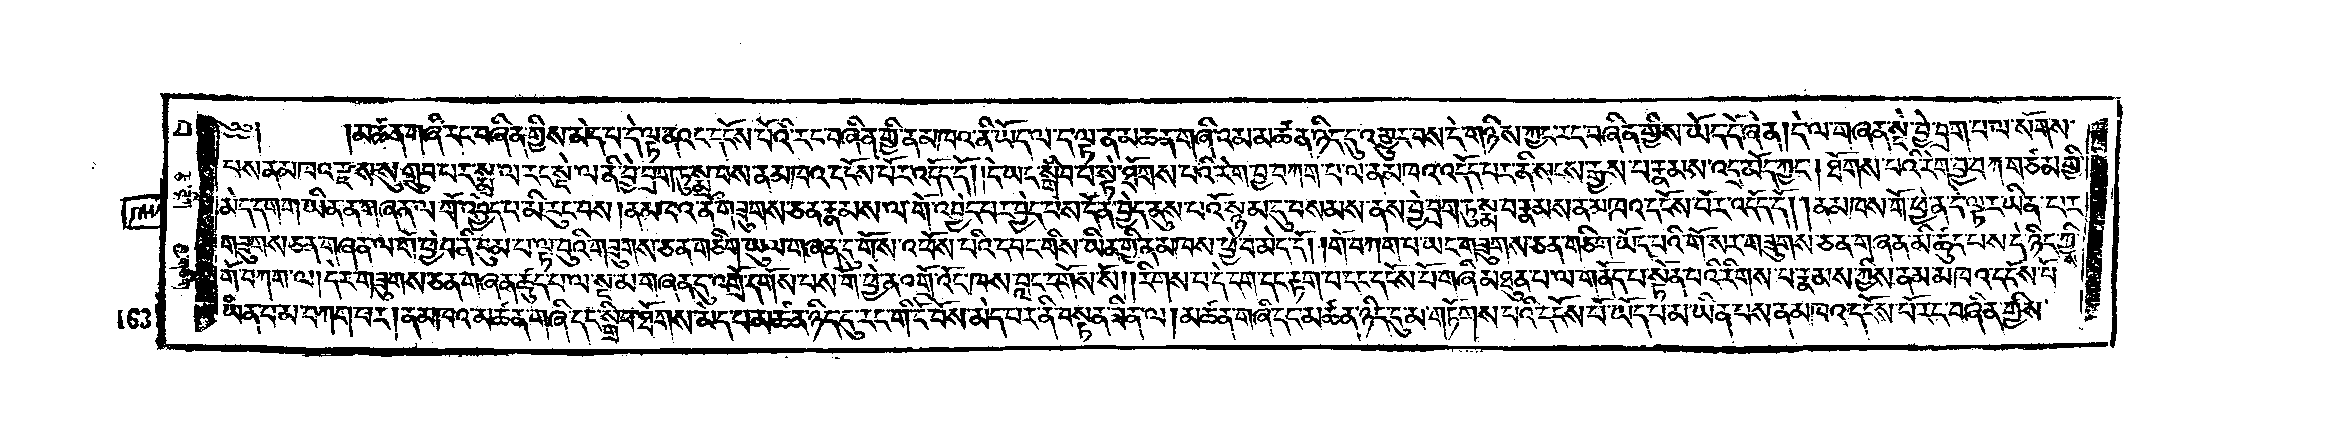༄༅། །མཚན་གཞི་རང་བཞིན་གྱིས་མེད་པ་དེ་ལྟ་ནའང་དངོས་པོའི་རང་བཞིན་གྱི་ནམཁའི་ནི་ཡོད་ལ་ད་ལྟ་ན་མཆན་གཞིའམ་མཆན་ཉིད་དུ་འགྱུར་བས་ང་གཉིས་ཀྱང་རང་བཞིན་གྱིས་ཡོད་དོ་ཞེ་ན། དེ་ལ་གཞན་སྡེ་བྱེ་བྲག་པ་ལ་སོགས་
པས་ནམཁའ་རྗེས་སུ་གྲུབ་པར་སྨྲ་ལ་རང་སྡེ་ལ་ནི་བྱེ་བྲག་ཏུ་སྨྲ་བས་ནམཁའ་དངོས་པོར་འདོད་དོ། །དེ་ཡང་སྒྲིབ་པ་སྟེ་ཐོགས་པའི་རེག་བྱ་བཀག་པ་ལ་ནམཁའ་འདོད་པར་ནི་སངས་རྒྱས་པ་རྣམས་འདྲ་མེད་ཀྱང་། ཐོགས་པའི་རེག་བྱ་བཀག་ཙམ་གྱི་
མེད་དགག་ཡིན་ན་གཞན་ལ་གོ་འབྱེད་པ་མི་རུང་བས། ནམཁའ་ནི་གཟུགས་ཅན་རྣམས་ལ་གོ་འབྱེད་པར་བྱེད་པས་དོན་བྱེད་ནུས་པའོ་སྙམ་དུ་བསམས་ནས་བྱེ་བྲག་ཏུ་སྨྲ་བ་རྣམས་ནམཁའ་དངོས་པོར་འདོད་དོ། །ནམཁས་གོ་ཕྱེ་ན་དེ་ལྟར་ཡིན་པར་
གཟུགས་ཅན་གཞན་ལ་གོ་ཕྱེ་བ་ནི་བུམ་པ་ལྟ་བུའི་གཟུགས་ཅན་གཅིག་ཡུལ་གཞན་དུ་གོ་ས་འཕོས་པའི་དབང་གིས་ཡིན་གྱི་ནམཁས་ཕྱེ་བ་མེད་དོ། །གོ་བཀག་པ་ཡང་གཟུགས་ཅན་གཅིག་ཡོད་པའི་གོ་སར་གཟུགས་ཅན་གཞན་མི་ཚུད་པས་དེ་ཉིད་ཀྱིས་
གོ་བཀག་ལ་དེར་གཟུགས་ཅན་གཞན་ཚུད་པ་ལ་སྔ་མ་གཞན་དུ་འགྲོ་དགོས་པས་གོ་ཕྱེ་ན་འགྲོ་འོང་ཁས་བླང་དགོས་སོ། །རིགས་པ་དེ་དག་དང་རྟག་པ་དང་དངོས་པོ་གཞི་མཐུན་པ་ལ་གནོད་པ་སྟོན་པའི་རིགས་པ་རྣམས་ཀྱིས་ནམ་མཁའ་དངོས་པོ་
ཡིན་པ་མ་བཀག་པར། ནམཁའ་མཚན་གཞི་དང་སྒྲིབ་ཐོགས་མེད་པ་མཚན་ཉིད་དུ་རང་གི་ངོ་བོས་མེད་པར་ནི་བསྟན་ཟིན་ལ། མཚན་གཞི་དང་མཚན་ཉིད་དུ་མ་གཏོགས་པའི་དངོས་པོ་ཡོད་པ་མ་ཡིན་པས་ནམཁའ་དངོས་པོ་རང་བཞིན་གྱིས་